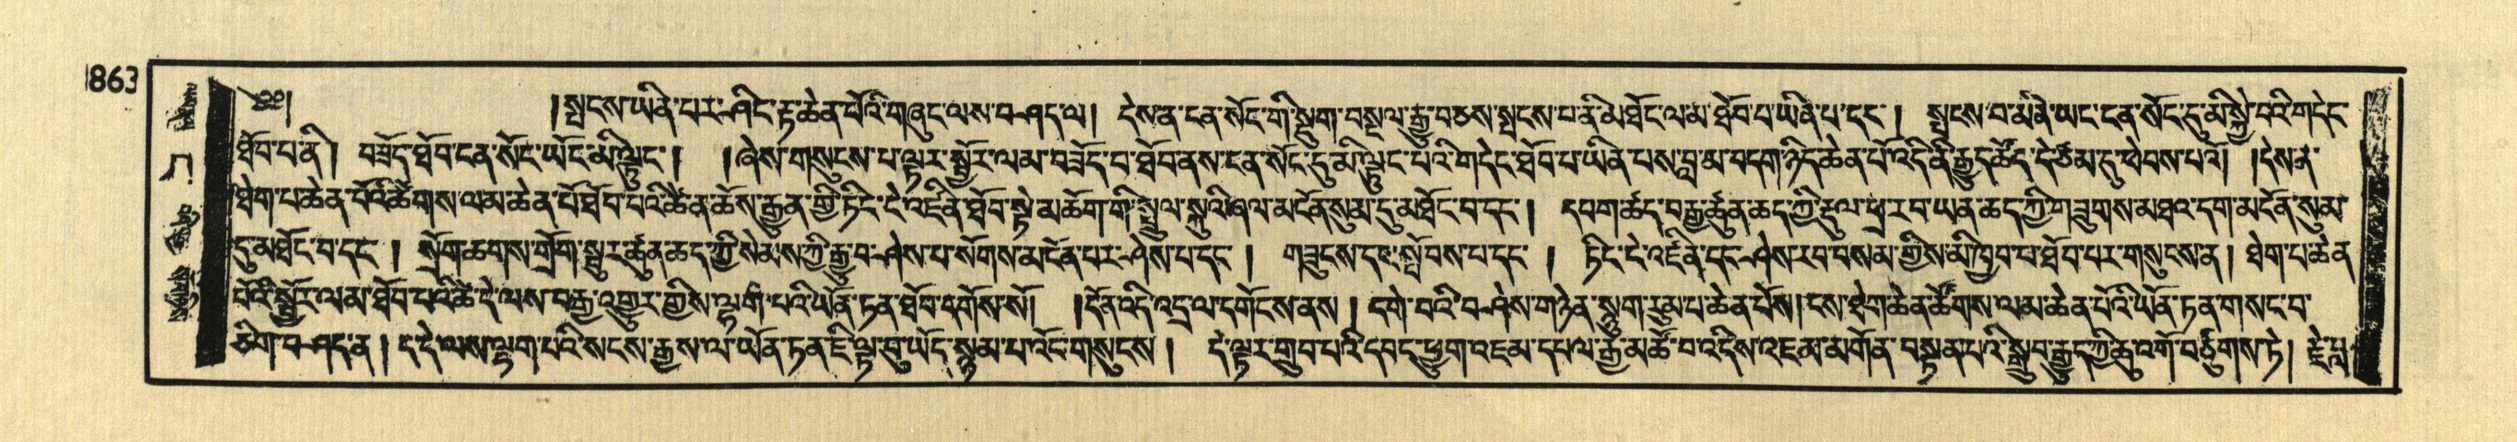༄༅། །སྤངས་ཡིན་པར་ཤིང་རྟ་ཆེན་པོའི་གཞུང་ལས་བཤད་ལ། དེས་ན་ངག་སོང་གི་སྡུག་བསྔལ་རྒྱུ་བཅས་སྤངས་པ་ནི་མཐོང་ལམ་ཐོབ་པ་ཡིན་པ་དང་། སྤངས་བ་མིན་ཡང་ངན་སོང་དུ་མི་སྐྱེ་བའི་གདེང་
ཐོབ་པ་ནི། བཟོད་ཐོབ་ངན་སོང་ཡོང་མི་ལྟུང་། །ཞེས་གསུངས་པ་ལྟར་སྦྱོར་ལམ་བཟོད་བ་ཐོབ་ནས་ངན་སོང་དུ་མི་ལྟུང་པའི་གདེང་ཐོབ་པ་ཡིན་པས་བླ་མ་བདག་ཉིད་ཆེན་པོ་འདི་ནི་རྒྱུད་ཚོད་དེ་ཙམ་དུ་ཕེབས་པའོ། །དེས་ན་
ཐེག་པ་ཆེན་པོའི་ཚོགས་ལམ་ཆེན་པོ་ཐོབ་པའི་ཚེ་ན་ཆོས་རྒྱུན་གྱི་ཏིང་ངེ་འཛིན་ཐོབ་སྟེ་མཆོག་གི་སྤྲུལ་སྐུའི་ཞལ་མངོན་སུམ་དུ་མཐོང་བ་དང་། དཔག་ཚད་བརྒྱ་ཚུན་ཆད་ཀྱི་རྡུལ་ཕྲ་རབ་ཡན་ཆད་ཀྱི་གཟུགས་མཐའ་དག་མངོན་སུམ་
དུ་མཐོང་བ་དང་། སྲོག་ཆགས་གྲོག་སྦུར་ཚུན་ཆད་ཀྱི་སེམས་རྒྱུ་བ་ཤེས་པ་སོགས་མངོན་པར་ཤེས་པ་དང་། གཟུངས་དང་སྤོབས་པ་དང་། ཏིང་ངེ་འཛིན་དང་ཤེས་རབ་བསམ་གྱིས་མི་ཁྱབ་པ་ཐོབ་པར་གསུངས་ན། ཐེག་པ་ཆེན་
པོའི་སྦྱོར་ལམ་ཐོབ་པའི་ཚེ་དེ་ལས་བརྒྱ་འགྱུར་གྱིས་ལྷག་པའི་ཡོན་ཏན་ཐོབ་དགོས་སོ། །དོན་འདི་འདྲ་ལ་དགོངས་ནས། དགེ་བའི་བཤེས་གཉེན་སྙུག་རུམ་པ་ཆེན་པོས། ངས་ཐེག་ཆེན་ཚོགས་ལམ་ཆེན་པོའི་ཡོན་ཏན་གསང་བ་
ཅིག་བཤད་ན། ད་དེ་ལས་ལྷག་པའི་སངས་རྒྱས་ལ་ཡོན་ཏན་ཇི་ལྟ་བུ་ཡོད་སྙམ་པ་འོང་གསུངས། དེ་ལྟར་གྲུབ་པའི་དབང་ཕྱུག་འཇམ་དཔལ་རྒྱ་མཚོ་བ་འདིས་འཇམ་མགོན་བསྟན་པའི་སྒྲུབ་རྒྱུད་ཀྱི་ཆུ་འགོ་བཙུགས་ཏེ། རྗེ་བླ་